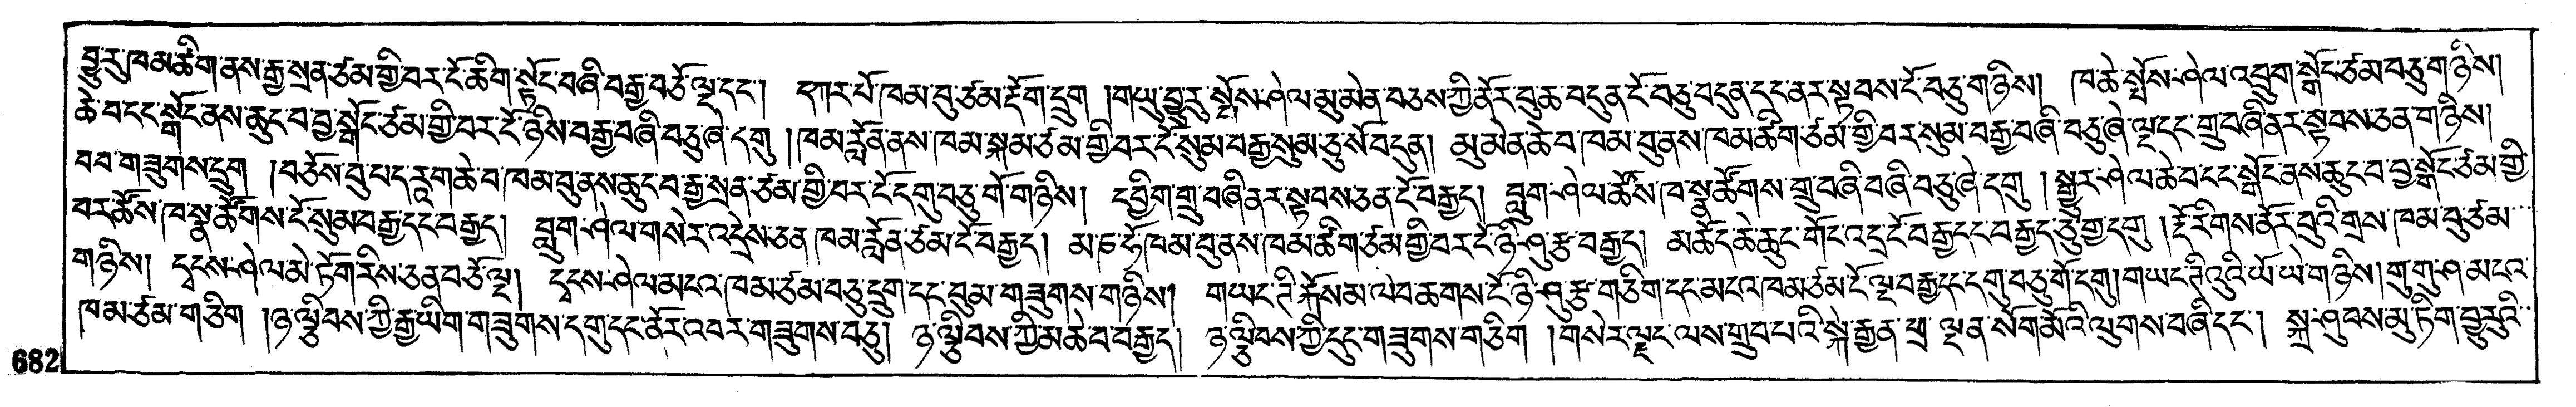བྱུ་རུ་ཁམ་ཚིག་ནས་རྒྱ་སྲན་ཙམ་གྱི་བར་དོ་ཆིག་སྟོད་བཞི་བརྒྱ་བཅོ་ལྔ་དང་། དཀར་པོ་ཁམ་བུ་ཙམ་རྡོག་དྲུག །གཡུ་བྱུ་རུ་སྤོས་ཤེལ་མུ་མེན་བཅས་ཀྱི་ནོར་བུ་ཆ་བདུན་ངོ་བཅུ་བདུན་དང་ནར་སྟབས་ངོ་བཅུ་གཉིས། ཁ་ཆེ་སྦོས་ཤེལ་འབྲུག་སྒོང་ཙམ་བཅུ་གཉིས།
ཆེ་བ་ངང་སྒོང་ནས་ཆུད་བ་བྱ་སྒོང་ཙམ་གྱི་བར་ངོ་ཉིས་བརྒྱ་བཞི་བཅུ་ཞེ་དགུ །ཁམ་རློན་ནས་ཁམ་སྐམ་ཙམ་གྱི་བར་ངོ་སུམ་བརྒྱ་སུམ་ཅུ་སོ་བདུན། མུ་མེན་ཆེ་བ་ཁམ་བུ་ནས་ཁམ་ཚིག་ཙམ་གྱི་བར་སུམ་བརྒྱ་བཞི་བཅུ་ཞེ་ལྔ་དང་གྲུ་བཞི་ནར་སྟབས་ཅན་གཉིས།
བབ་གཟུགས་དྲུག །བཅོས་བུ་པད་རཱ་ག་ཆེ་བ་ཁམ་བུ་ནས་ཆུང་བརྒྱ་སྲན་ཙམ་གྱི་བར་ངོ་དགུ་བཅུ་གོ་གཉིས། འབྱིག་གྲུ་བཞི་ནར་སྟབས་ཅན་ངོ་བརྒྱད། བླུག་ཤེལ་ཚོས་ཁ་སྣ་ཚོགས་གྲུ་བཞི་བཞི་བཅུ་ཞེ་དགུ །སྒྱུར་ཤེལ་ཆེ་བ་དང་སྒོང་ནས་ཆུད་བ་བྱ་སྒོང་ཙམ་གྱི་
བར་ཚོས་ཁ་སྣ་ཚོགས་ངོ་སུམ་བརྒྱ་དང་བརྒྱད། བླུག་ཤེལ་གསེར་འདྲེས་ཅན་ཁམ་རློན་ཙམ་ངོ་བརྒྱད། མ་ཎ་ཧོ་ཁམ་བུ་ནས་ཁམ་ཚིག་ཙམ་གྱི་བར་ངོ་ཉི་ཤུ་རྩ་བརྒྱད། མཆོད་ཆེ་ཆུང་གོང་འདྲ་ངོ་བརྒྱ་དང་བརྒྱད་ཅུ་གྱ་དགུ །རྡོ་རིགས་ནོར་བུའི་གྲས་ཁམ་བུ་ཙམ་
གཉིས། དྭངས་ཤེལ་མེ་ཏོག་རིས་ཅན་བཅོ་ལྔ། དྭངས་ཤེལ་མངའ་ཁམ་བཅུ་དྲུག་དང་བུམ་གཟུགས་གཉིས། གཡང་ཊི་རྐོས་མ་ལེབ་ཆགས་ངོ་ཉི་ཤུ་རྩ་གཅིག་དད་མངའ་ཁམ་ཙམ་ངོ་ལྔ་བརྒྱ་དང་དགུ་བཅུ་གོ་དགུ །གཡང་ཊིའུའི་ཡོ་ཡེ་གཉིས། གུ་གུ་ཤ་མངའ་
ཁམ་ཙམ་གཅིག །ཉ་ལྕིབས་ཀྱི་རྒྱ་ཡིག་གཟུགས་དགུ་དང་ནོར་འབར་གཟུགས་བཅུ། ཉ་ལྕིབས་ཀྱི་མཆེ་བ་བརྒྱད། ཉ་ལྕིབས་ཀྱི་དུང་གཟུགས་གཅིག །གསེར་ལྗང་ལས་གྲུབ་པའི་སྐེ་རྒྱན་ཕྲ་ལྡན་སོག་མོའི་ལུགས་བཞི་དང་། སྐྲ་ཤུགས་མུ་ཏིག་བྱུ་རུའི་